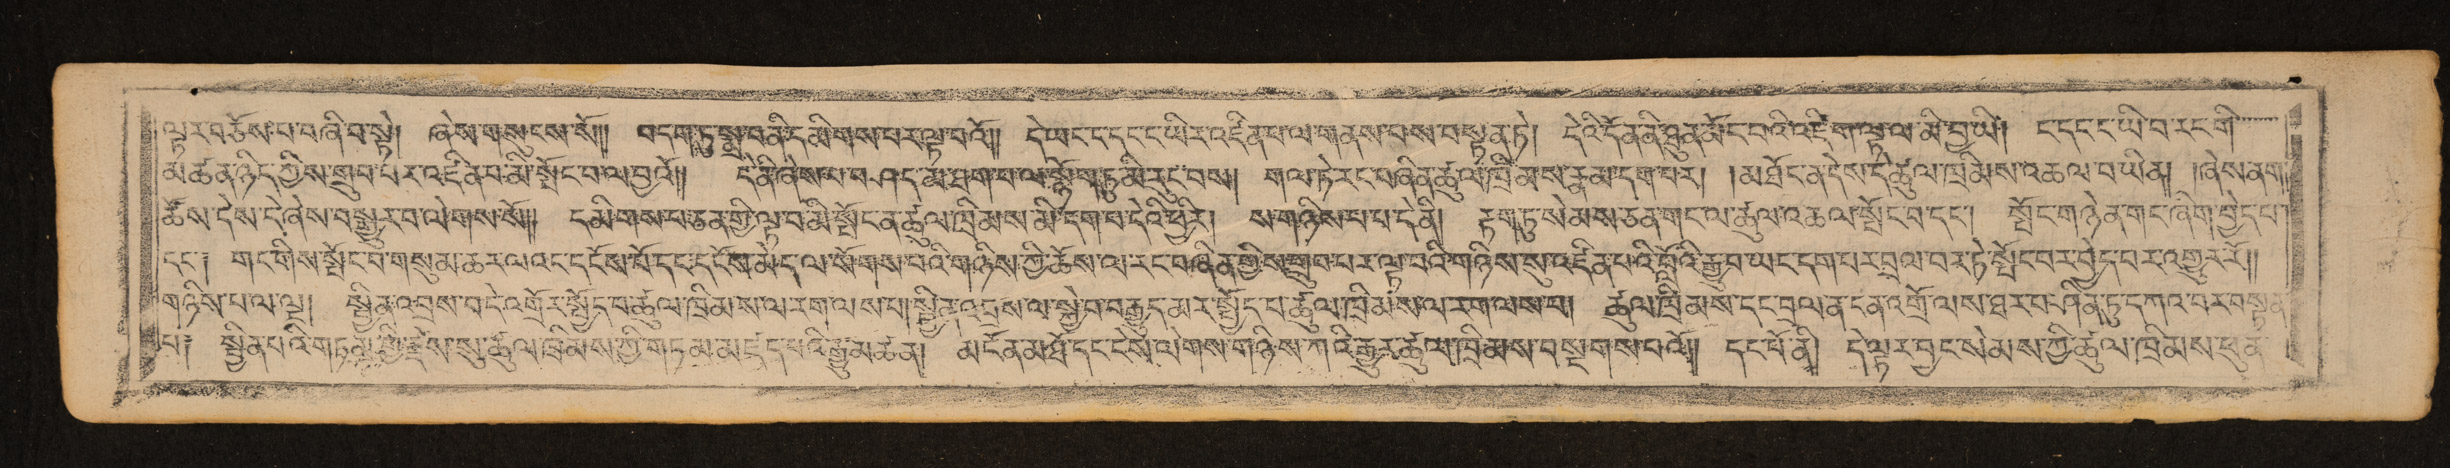ལྟར་བཅོས་པ་བཞི་པ་སྟེ། ཞེས་གསུངས་སོ།། བདག་ཏུ་སྨྲ་བ་ནི་དམིགས་པར་ལྟ་བའོ།། དེ་ཡང་ང་དང་ང་ཡིར་འཛིན་པ་ལ་གནས་པས་བསྟན་ཏེ། དེའི་དོན་ནི་ཐུན་མོང་བའི་འཇིག་ལྟ་ལ་མི་བྱ་ཡི། ང་དང་ང་ཡི་བ་རང་གི་
མཚན་ཉིད་ཀྱིས་གྲུབ་པར་འཛིན་པ་མི་སྤོང་བ་ལ་བྱའོ།། དེ་ནི་ཞེས་པ་བཤད་མ་ཐག་པ་ལ་སྙོག་ཏུ་མི་རུང་བས། གལ་ཏེ་རང་བཞིན་ཚུལ་ཁྲིམས་རྣམ་དག་པར། །མཐོང་ན་དེས་དེ་ཚུལ་ཁྲིམས་འཆལ་བ་ཡིན། །ཞེས་ནག་
ཚོས་དེས་དེ་ཞེས་བསྒྱུར་བ་ལེགས་སོ།། དམིགས་པ་ཅན་གྱི་ལྟ་བ་མི་སྤོང་ན་ཚུལ་ཁྲིམས་མི་དག་པ་དེའི་ཕྱིར། ས་གཉིས་པ་བ་དེ་ནི། རྟག་ཏུ་སེམས་ཅན་གང་ལ་ཚུལ་འཆལ་སྤོང་བ་དང་། སྤོང་གཉེན་གང་ཞིག་བྱེད་པ་
དང་། གང་གིས་སྤོང་བ་གསུམ་ཆར་ལའང་དངོས་པོ་དང་དངོས་མེད་ལ་སོགས་པའི་གཉིས་ཀྱི་ཆོས་ལ་རང་བཞིན་གྱིས་གྲུབ་པར་ལྟ་བའི་གཉིས་སུ་འཛིན་པའི་བློའི་རྒྱུ་བ་ཡང་དག་པར་བྲལ་བར་ཏེ་སྤོང་བར་བྱེད་པར་འགྱུར་རོ།།
གཉིས་པ་ལ་ལྔ། སྦྱིན་འབྲས་བདེ་འགྲོར་སྤྱོད་པ་ཚུལ་ཁྲིམས་ལ་རག་ལས་པ། སྦྱིན་འབྲས་ལ་སྐྱེ་བ་བརྒྱུད་མར་སྤྱོད་པ་ཚུལ་ཁྲིམས་ལ་རག་ལས་པ། ཚུལ་ཁྲིམས་དང་བྲལ་ན་ངན་འགྲོ་ལས་ཐར་པ་ཤིན་ཏུ་དཀའ་བར་བསྟན་
པ། སྦྱིན་པའི་གཏམ་གྱི་རྗེས་སུ་ཚུལ་ཁྲིམས་ཀྱི་གཏམ་མཛད་པའི་རྒྱུ་མཚན། མངོན་མཐོ་དང་ངེས་ལེགས་གཉིས་ཀའི་རྒྱུར་ཚུལ་ཁྲིམས་བསྔགས་པའོ།། དང་པོ་ནི། དེ་ལྟར་བྱང་སེམས་ཀྱི་ཚུལ་ཁྲིམས་ཕུན་